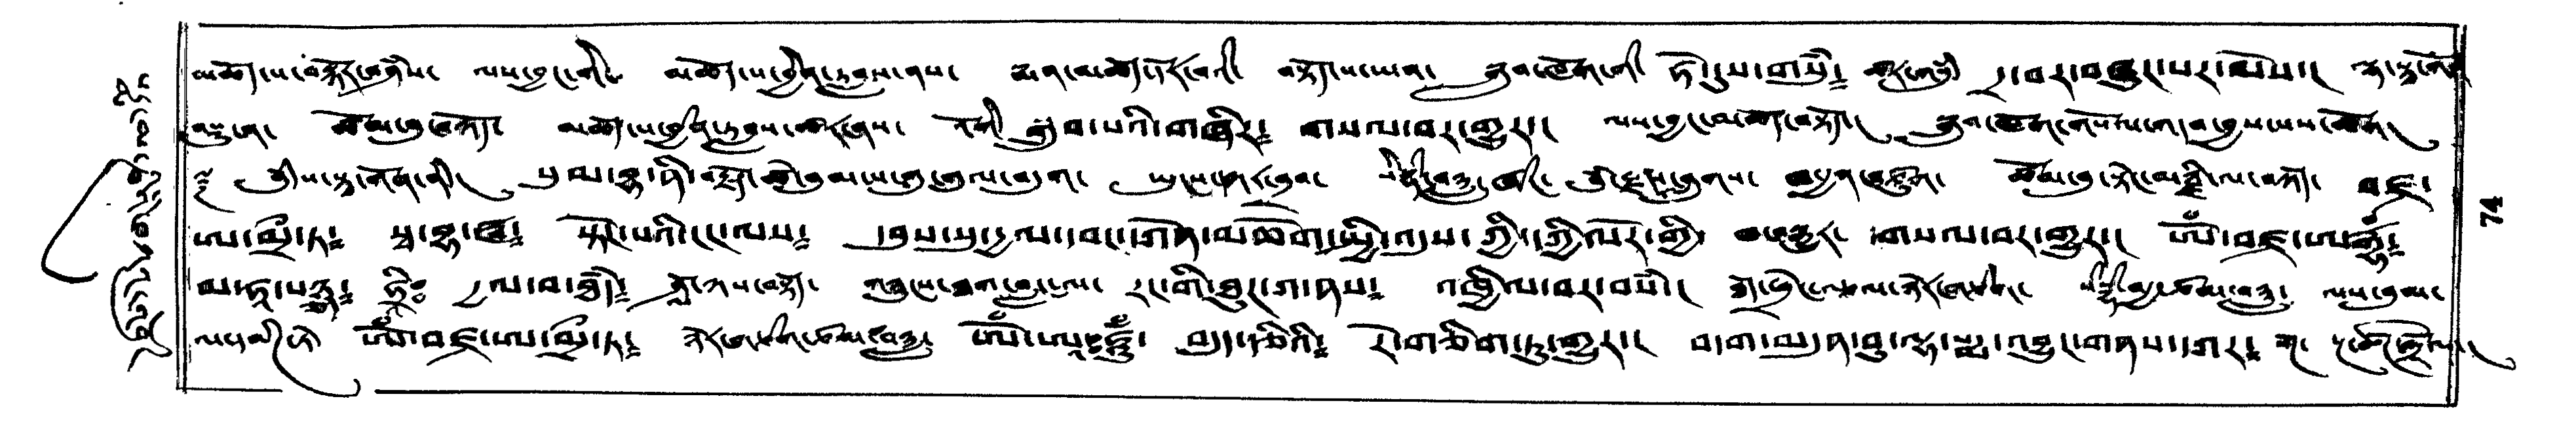མཆོད་པ་བསྐོར་བཤམས། ལས་བྱང་གི། མཆོད་པ་བྱིན་རླབས་ནས། སྨན་མཆོད་དོར་བའི། བསྟོད་པ་ཡན། སྒྲུབ་ཁོག་གི། ཧོ་དུས་གསུམ༴ ཚར་གསུམ། དྲ་བར་བཞུགས་པར་མོས། ལྷ་སྟ་གོན་
བསྡུ་ན། ཚོམ་བུ་བཀོད། མཆོད་པ་བྱིན་རླབས་ཚར་ནས། འོག་གི་སྒྲུབ་པའི་གཞིར༴ གསལ་བར་གྱུར། ལས་བྱང་མཆོད་བསྟོད། སྒྲུབ་ཁོག་གསོལ་གདབ་བྱས་པས་ཆོག 
༈ བུམ་པ་སྟ་གོན་ནི། སུམ་བྷ་ནི་བརྗོད་ཚེ་བུམ་པར་གུ་གུལ་བདུག ཡུངས་དཀར་བྲབ། སིདྡྷི་བཟླ་ཞིང་། བུམ་རྫས་བླུགས། ཁ་རྒྱན་བཙུག ཚོམ་བུའི་སྟེང་མཉྫི་ལ་བཀོད། བཛྲ་
ཨ་མྲྀ་ཏ༴ སྭ་བྷ་ཝ༴ སྟོང་པའི་ངང་ལས༴ དབུས་སུ་རྒྱལ་དབང་དཀོན་མཆོག་སྤྱི་འདུས་ཀྱི་དཀྱིལ་འཁོར་གྱི། ཁ་བསྒྱུར། གསལ་བར་གྱུར། ཨོཾ་བཛྲ་ཨརྒྷཾ༴ 
མ་ཧཱ་པཉྩ༴ ཧྲཱིཿ རྒྱལ་བ་ཐམས་ཅད༴ ཤོ་ལོ་ཀས་བསྟོད། གཟུངས་ཐག་བླང་ལ། རང་གི་ཐུགས་ཀ་ནས༴ འཁྱིལ་བར་བསམ། ཐོད་ཕྲེང་རྩལ་ཉེར་གཅིག སིདྡྷི་བརྒྱ་་ཙམ་བཟླ། ལས་བུམ་
ལ་དམིགས་ཏེ། ཨོཾ་བཛྲ་ཨ་མྲྀ་ཏ༴ ཉེར་གཅིག་ཙམ་བཟླ། ཨོཾ་ཨཱཿཧཱུྃ། བདུད་རྩིའི། རོ་གཅིག་ཏུ་གྱུར། བདག་མདུན་བུམ་ལྷ་པདྨ་འབྱུང་གནས་དཀར༴ སོགས། སྔ་ཚོགས་གྲོལ་